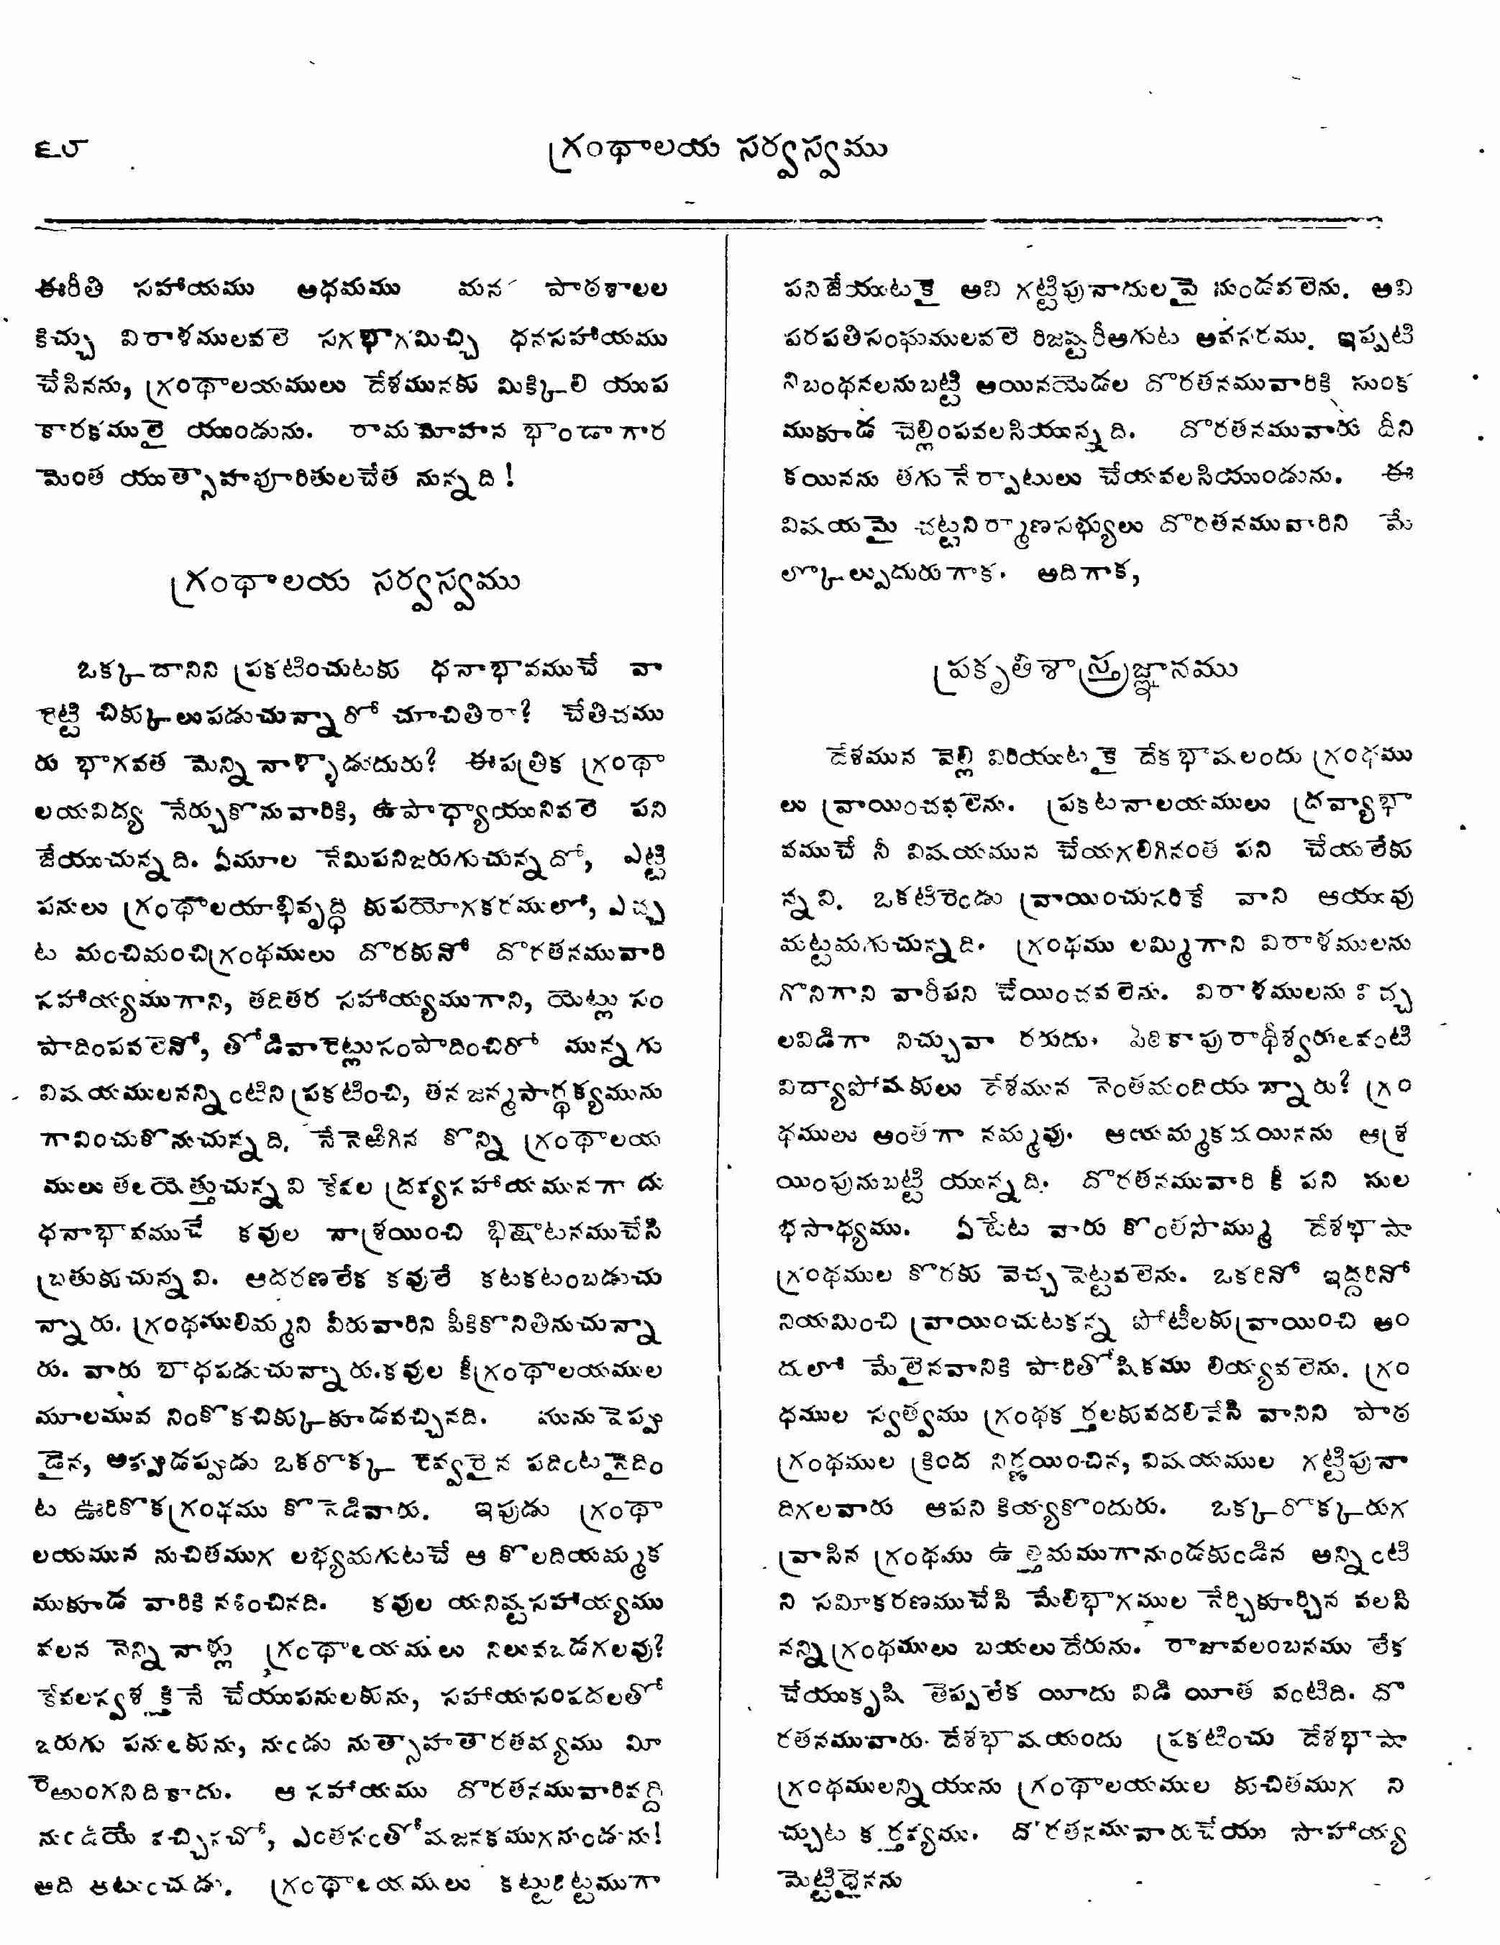ఈరీతి సహాయము అధమము మన పాఠశాలలకిచ్చు విరాళములవలె సగభాగమిచ్చి ధనసహాయము చేసినను, గ్రంథాలయములు దేశమునకు మిక్కిలి యుపకారకములై యుండును. రామమోహన భాండాగారమెంత యుత్సాహపూరితులచేత నున్నది!

ఒక్క దానిని ప్రకటించుటకు ధనాభావముచే వాకొట్టి చిక్కులు పడుచున్నారో చూచితిరా ? చేతిచమురు భాగవత మెన్ని నాళ్ళాడుదురు? ఈ పత్రిక గ్రంథాలయవిద్య నేర్చుకొనువారికి, ఉపాధ్యాయునివలె పని జేయుచున్నది. ఏమూలు నేమిపని జరుగుచున్నదో, ఎట్టిపనులు గ్రంథాలయాభివృద్ధి ఉపయోగకరములో, ఎచ్చట మంచిమంచి గ్రంథములు దొరకునో దొరతనమువారి
సహాయ్యముగాని, తదితర సహాయ్యముగాని, యెట్లు సంపాదింపవలెనో, తోడివాకెట్లు సంపాదించిరో మున్నగు విషయముల
నన్నింటిని ప్రకటించి, తన జన్మసార్థక్యమును గావించుకొనుచున్నది. నేనెఱిగిన కొన్ని గ్రంథాలయములు తలయెత్తుచున్నవి కేవల ద్రవ్యసహాయమునగాదు ధనాభావముచే కవులు నాశ్రయించి భిక్షాటనము చేసి బ్రతుకుచున్నవి. ఆదరణలేక కవులే కటకటంబడు
చున్నారు. గ్రంథములిమ్మని వీరు వారిని పీకికొని తినుచున్నారు. వారు బాధపడుచున్నారు. కవుల కీగ్రంథాలయముల
మూలమువ నింకొక చిక్కుకూడవచ్చినది. మునుపెప్పుడైన, అప్పుడప్పుడు ఒకరొక్క రెవ్వరైన పదిఁటనైదింట ఊరికొక గ్రంథము కొసెడివారు. ఇపుడు గ్రంథాలయమున నుచితముగ లభ్యమగుటచే ఆ కొలదియమ్మకముకూడ వారికి నశించినది. కవుల యనిష్టు సహాయ్యము వలన నెన్నినాళ్లు గ్రంథాలయములు నిలువబడగలవు? కేవలస్వశక్తినే చేయుపనులకును, సహాయసంపదలతో
జరుగు పనులకును, నుండు నుత్సాహతారతమ్యము మీ రెఱుంగనిది కాదు. ఆ సహాయము దొరతనమువారివద్దినుఁడియే వచ్చినచో, ఎంతసంతో మజనకముగనుండును! ఆది ఆటుఁ౦చడు, గ్రంథాలయములు కట్టుదిట్టముగా పనిజేయుటకై అది 
గట్టి పునాదులపై నుండవలెను. అవి పరపతిసంఘములవలె రిజష్టరీఅగుట అవసరము. ఇప్పటి నిబంధనలనుబట్టి అయినయెడల దొరతనమువారికి సుంకముకూడ చెల్లింపవలసియున్నది. దొరతనమువారు దీనికయినను తగు నేర్పాటులు చేయవలసియుండును. ఈ విషయమై చట్టనిర్మాణసభ్యులు దొరతనమువారిని మేల్కొల్పుదురు గాక. అది గాక,

దేశమున వెళ్లి విరియుటకై దేశ భాష లందు గ్రంధములు వ్రాయించవలెను. ప్రకటనాలయములు ద్రవ్యాభావముచే నీ విషయమున చేయగలిగినంత పని చేయలేకున్నవి. ఒకటి రెండు వ్రాయించుసరికే వాని ఆయువుమట్టమగుచున్నది. గ్రంథము లమ్మిగాని విరాళములను గొనిగాని వారీపని చేయించవలెను. విరాళములను విచ్చలవిడిగా నిచ్చువా రరుదు. పీఠికాపురాధీశ్వరులవంటి
విద్యాపోవకులు దేశమున నెంతమందియన్నారు? గ్రంధములు అంతగా నమ్మవు. ఆయమ్మకమయినను ఆశ్రయింపును బట్టి యున్నది. దొరతనమువారికీ పని సులుభ సాధ్యము. ఏటేట వారు కొంత సొమ్ము దేశభాషాగ్రంథముల కొరకు వెచ్చపెట్టవలెను. ఒకరినో ఇద్దరినో నియమించి వ్రాయించుటకన్న పోటీలకు వ్రాయించి ఆందులో మేలైనవానికి పారితోషికము లియ్యవలెను. గ్రంధముల స్వత్వము గ్రంథకర్తలకు వదలివేసి వానిని పాఠగ్రంథముల క్రింద నిర్ణయించిన, విషయముల గట్టిపునాదిగల వారు ఆపని కియ్యకొందురు. ఒక్కరొక్కరుగ వ్రాసిన గ్రంథము ఉత్తమముగా నుండకుండిన అన్నింటిని సమీకరణముచేసి మేలిభాగముల నేర్చికూర్చిన వలసినన్ని గ్రంధములు బయలు దేరును. రాజావలంబనము లేక చేయుకృషి తెప్పలేక యీదు విడి యీత వంటిది. దొకతనమువారు. దేశభాష యందు ప్రకటించు దేశభాషాగ్రంథములన్నియును గ్రంథాలయముల కుచితముగ నిచ్చుట కర్తవ్యము. దొరతనమువారుచేయు సాహాయ్య మెట్టిదైనను